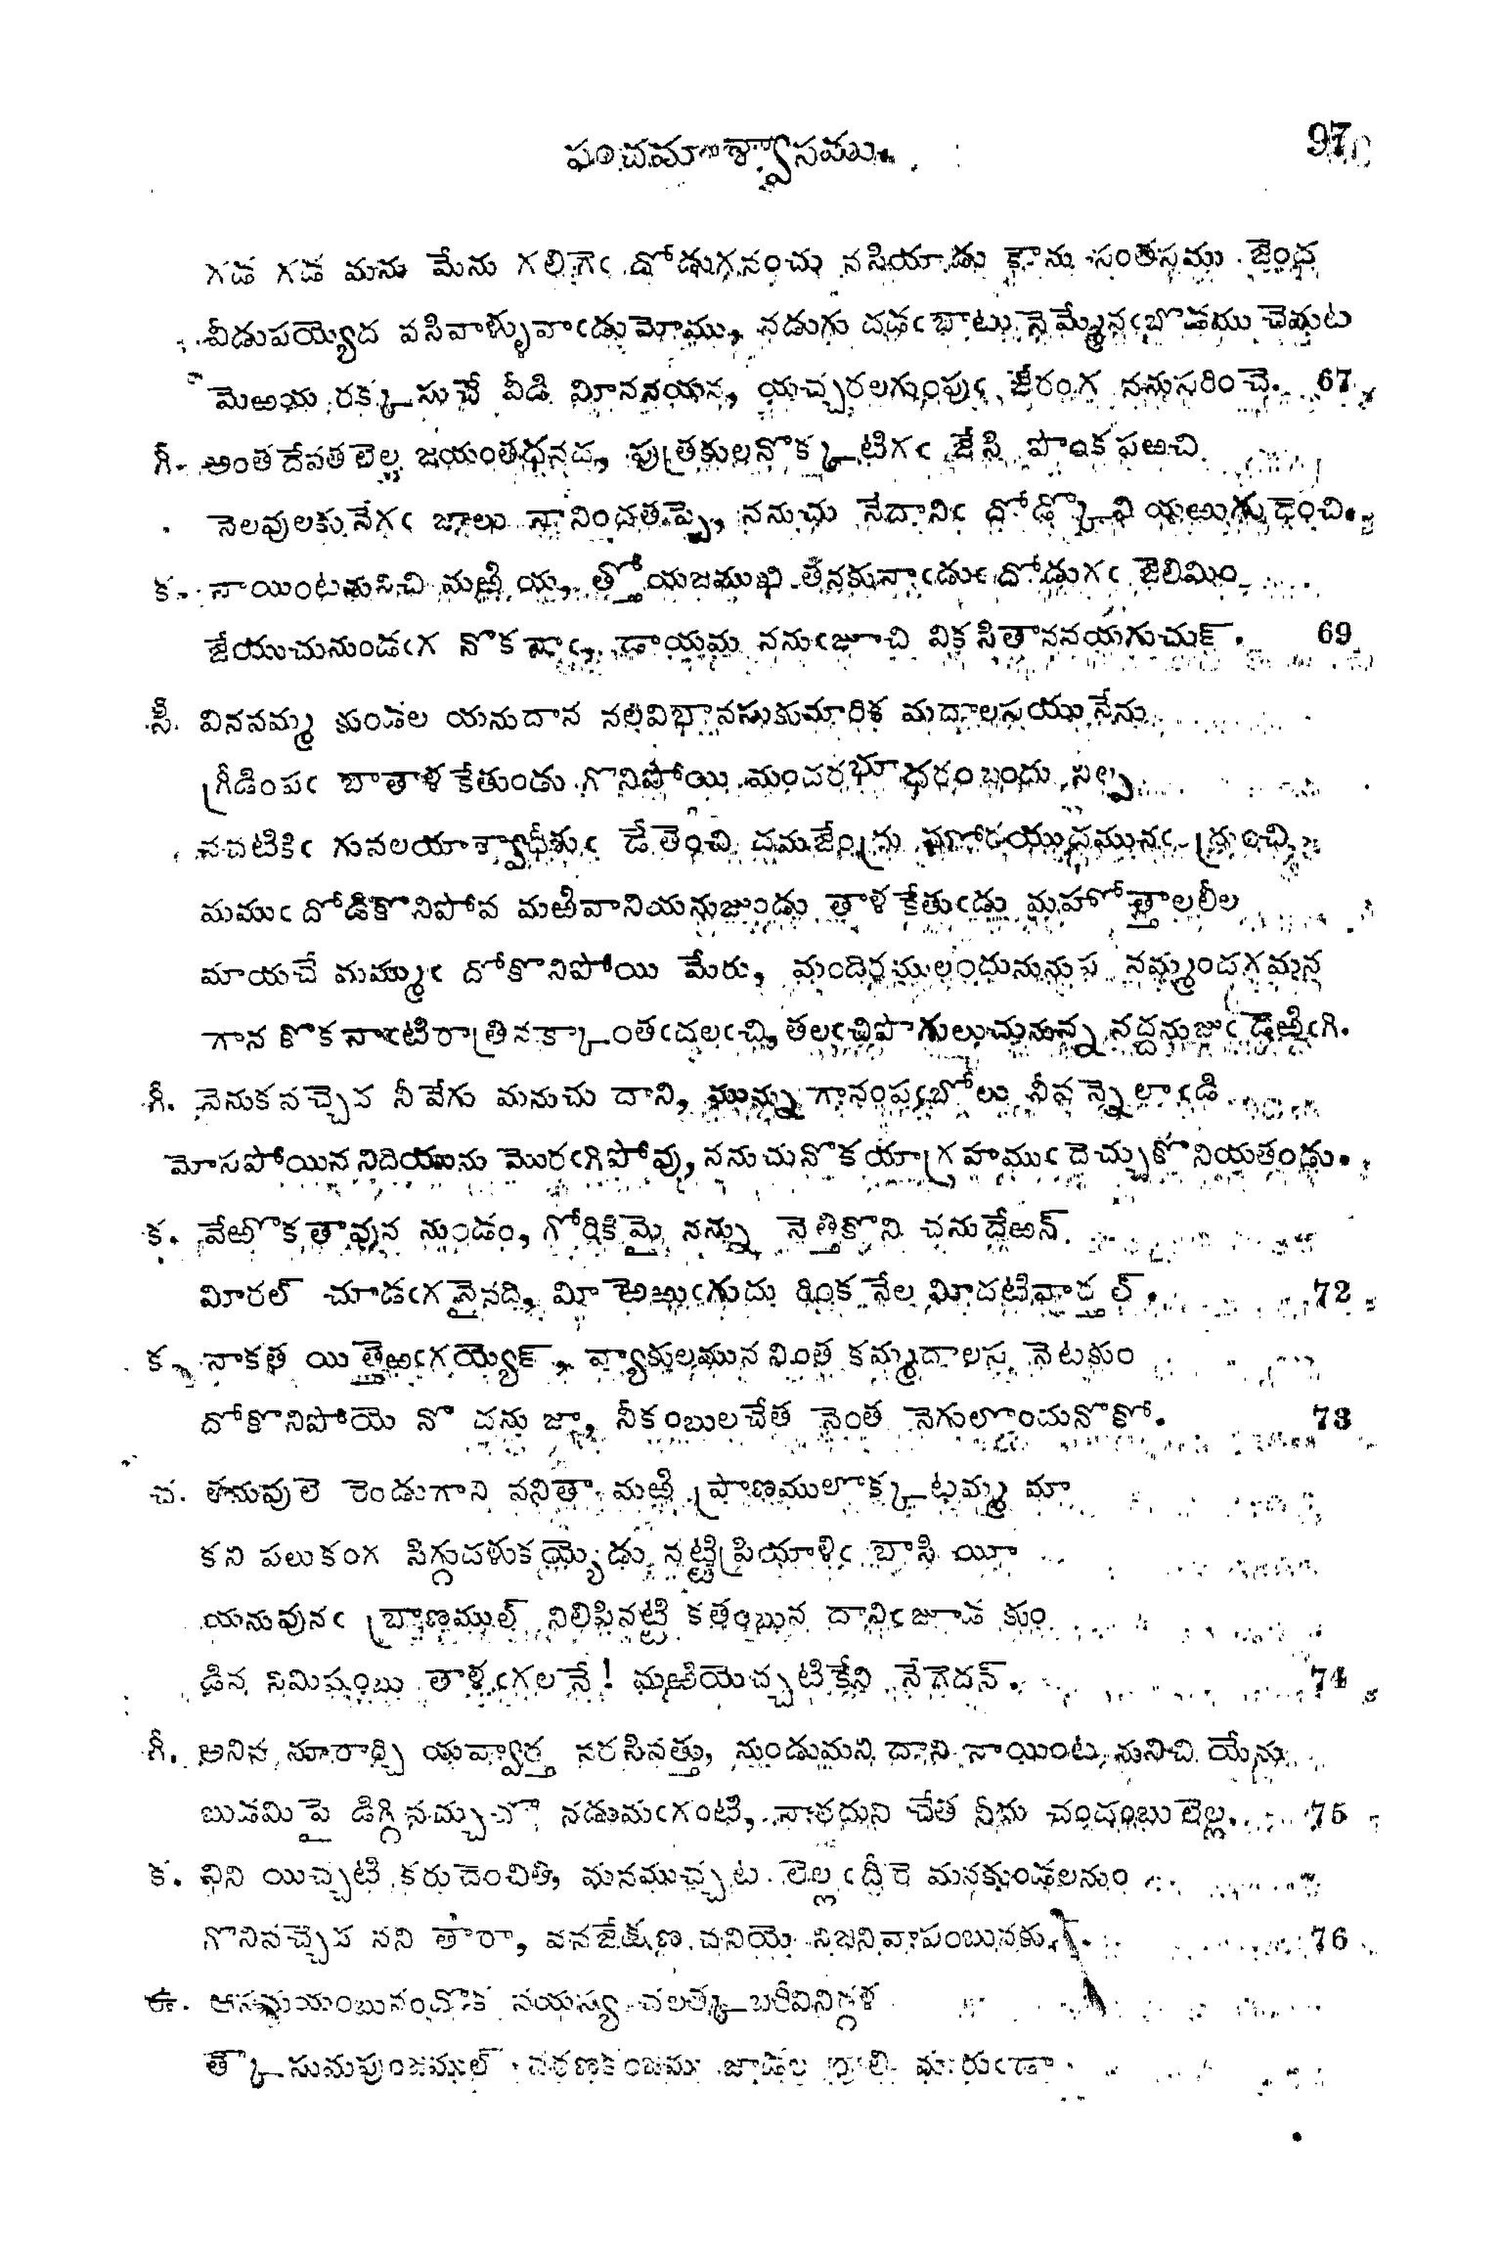గడగడమను మేను గలిగెఁ దోడుగనంచు నసియాడు కౌను సంతసము జెంద
వీడుపయ్యెద వసివాళ్ళువాఁడుమోము, నడుగు దడఁబాటు నెమ్మేనఁ బొడము చెమట
మెఱయు రక్కసుచే వీడి మీననయన, యచ్చరలగుంపుఁ జేరంగ ననుసరించె.
గీ. అంత దేవతలెల్ల, జయంతధనద, పుత్రకుల నొక్కటిగఁ జేసి పొంకపఱచి
నెలవులకు నేగఁ జాలు నానింద తప్పె, ననుచు నేదానిఁ దోడ్కొని యఱుగుదెంచి.
క. నాయింట నునిచి మఱి య, త్తోయజముఖి తనకు నాఁడుఁ దోడుగఁ జెలిమిం
జేయుచునుండఁగ నొకనాఁ, డాయమ ననుఁ జూచి వికసితానన యగుచున్.
సీ. వినవమ్మ కుండల యనుదాన నలవిభావసుకుమారిక మదాలసయు నేను
గ్రీడింపఁ బాతాళకేతుండు గొనిపోయి మందరభూధరం బందు నిల్ప
నచటికిఁ గువలయాశ్వాధీశుఁ డేతెంచి దనుజేంద్రు ఘోరయుద్ధమున ద్రుంచి
మముఁ దోడికొనిపోవ మఱి వానియనుజుండు తాళకేతుఁడు మహోత్తాలలీల
మాయచే మమ్ము దోకొనిపోయి మేరు, మందిరములందు నునుప నమ్మందగమన
గాన కొకనాఁటిరాత్రి నక్కాంతఁ దలఁచి, తలఁచి పొగులుచునున్న నద్దనుజుఁ డెఱిఁగి.
గీ వెనుక వచ్చెన నీ వేగు మనుచు దాని, మున్ను గానంపఁబోలు నీవన్నెలాఁడి
మోసపోయిన నిదియును మొరఁగిపోవు ననుచు నొకయాగ్రహముఁ దెచ్చుకొని యతండు.
క. వేఱొకతావున నుండం, గోరికి మై నన్ను నెత్తికొని చనుదేఱన్
మీరల్ చూడఁగ నైనది, మీ ఱెఱుఁగుదు రింక నేల మీదటివార్తల్.
క. నాకత యిత్తెఱఁ గయ్యెన్, వ్యాకులమున నింత కమ్మదాలస నెటకుం
దోకొనిపోయెనొ దనుజా, నీకంబులచేత నెంత నెగులొందునొకో.
చ. తనువులె రెండుగాని వనితా మఱి ప్రాణము లొక్కటమ్మ మా
కని పలుకంగ సిగ్గు దళుకయ్యెడు నట్టిప్రియాళిఁ బాసి యీ
యనువునఁ బ్రాణముల్ నిలిపినట్టి కతంబున దానిఁ జూడకుం
డిన నిమిషంబు తాళఁగలనే! మఱి యెచ్చటికేని నేగెదన్.
గీ. అనిన నూరార్చి యవ్వార్త నరసివత్తు, నుండుమని దాని నాయింట నునిచి యేను
బుడమిపై డిగ్గి వచ్చుచో నడుమఁ గంటి, నారదునిచేత నీదు చందంబులెల్ల.
క. విని యిచ్చటి కరుదెంచితి, మనముచ్చటలెల్లఁ దీరె మనకుండలనుం
గొనివచ్చెద నని తారా, వనజేక్షణ చనియె నిజనివాసంబునకున్.
ఉ. ఆసమయంబునం దొకవయస్య చలత్కుబరీవినిర్గళ
త్కౌసుమపుంజముల్ చరణకంజము జాడల రాలి మారుఁడా